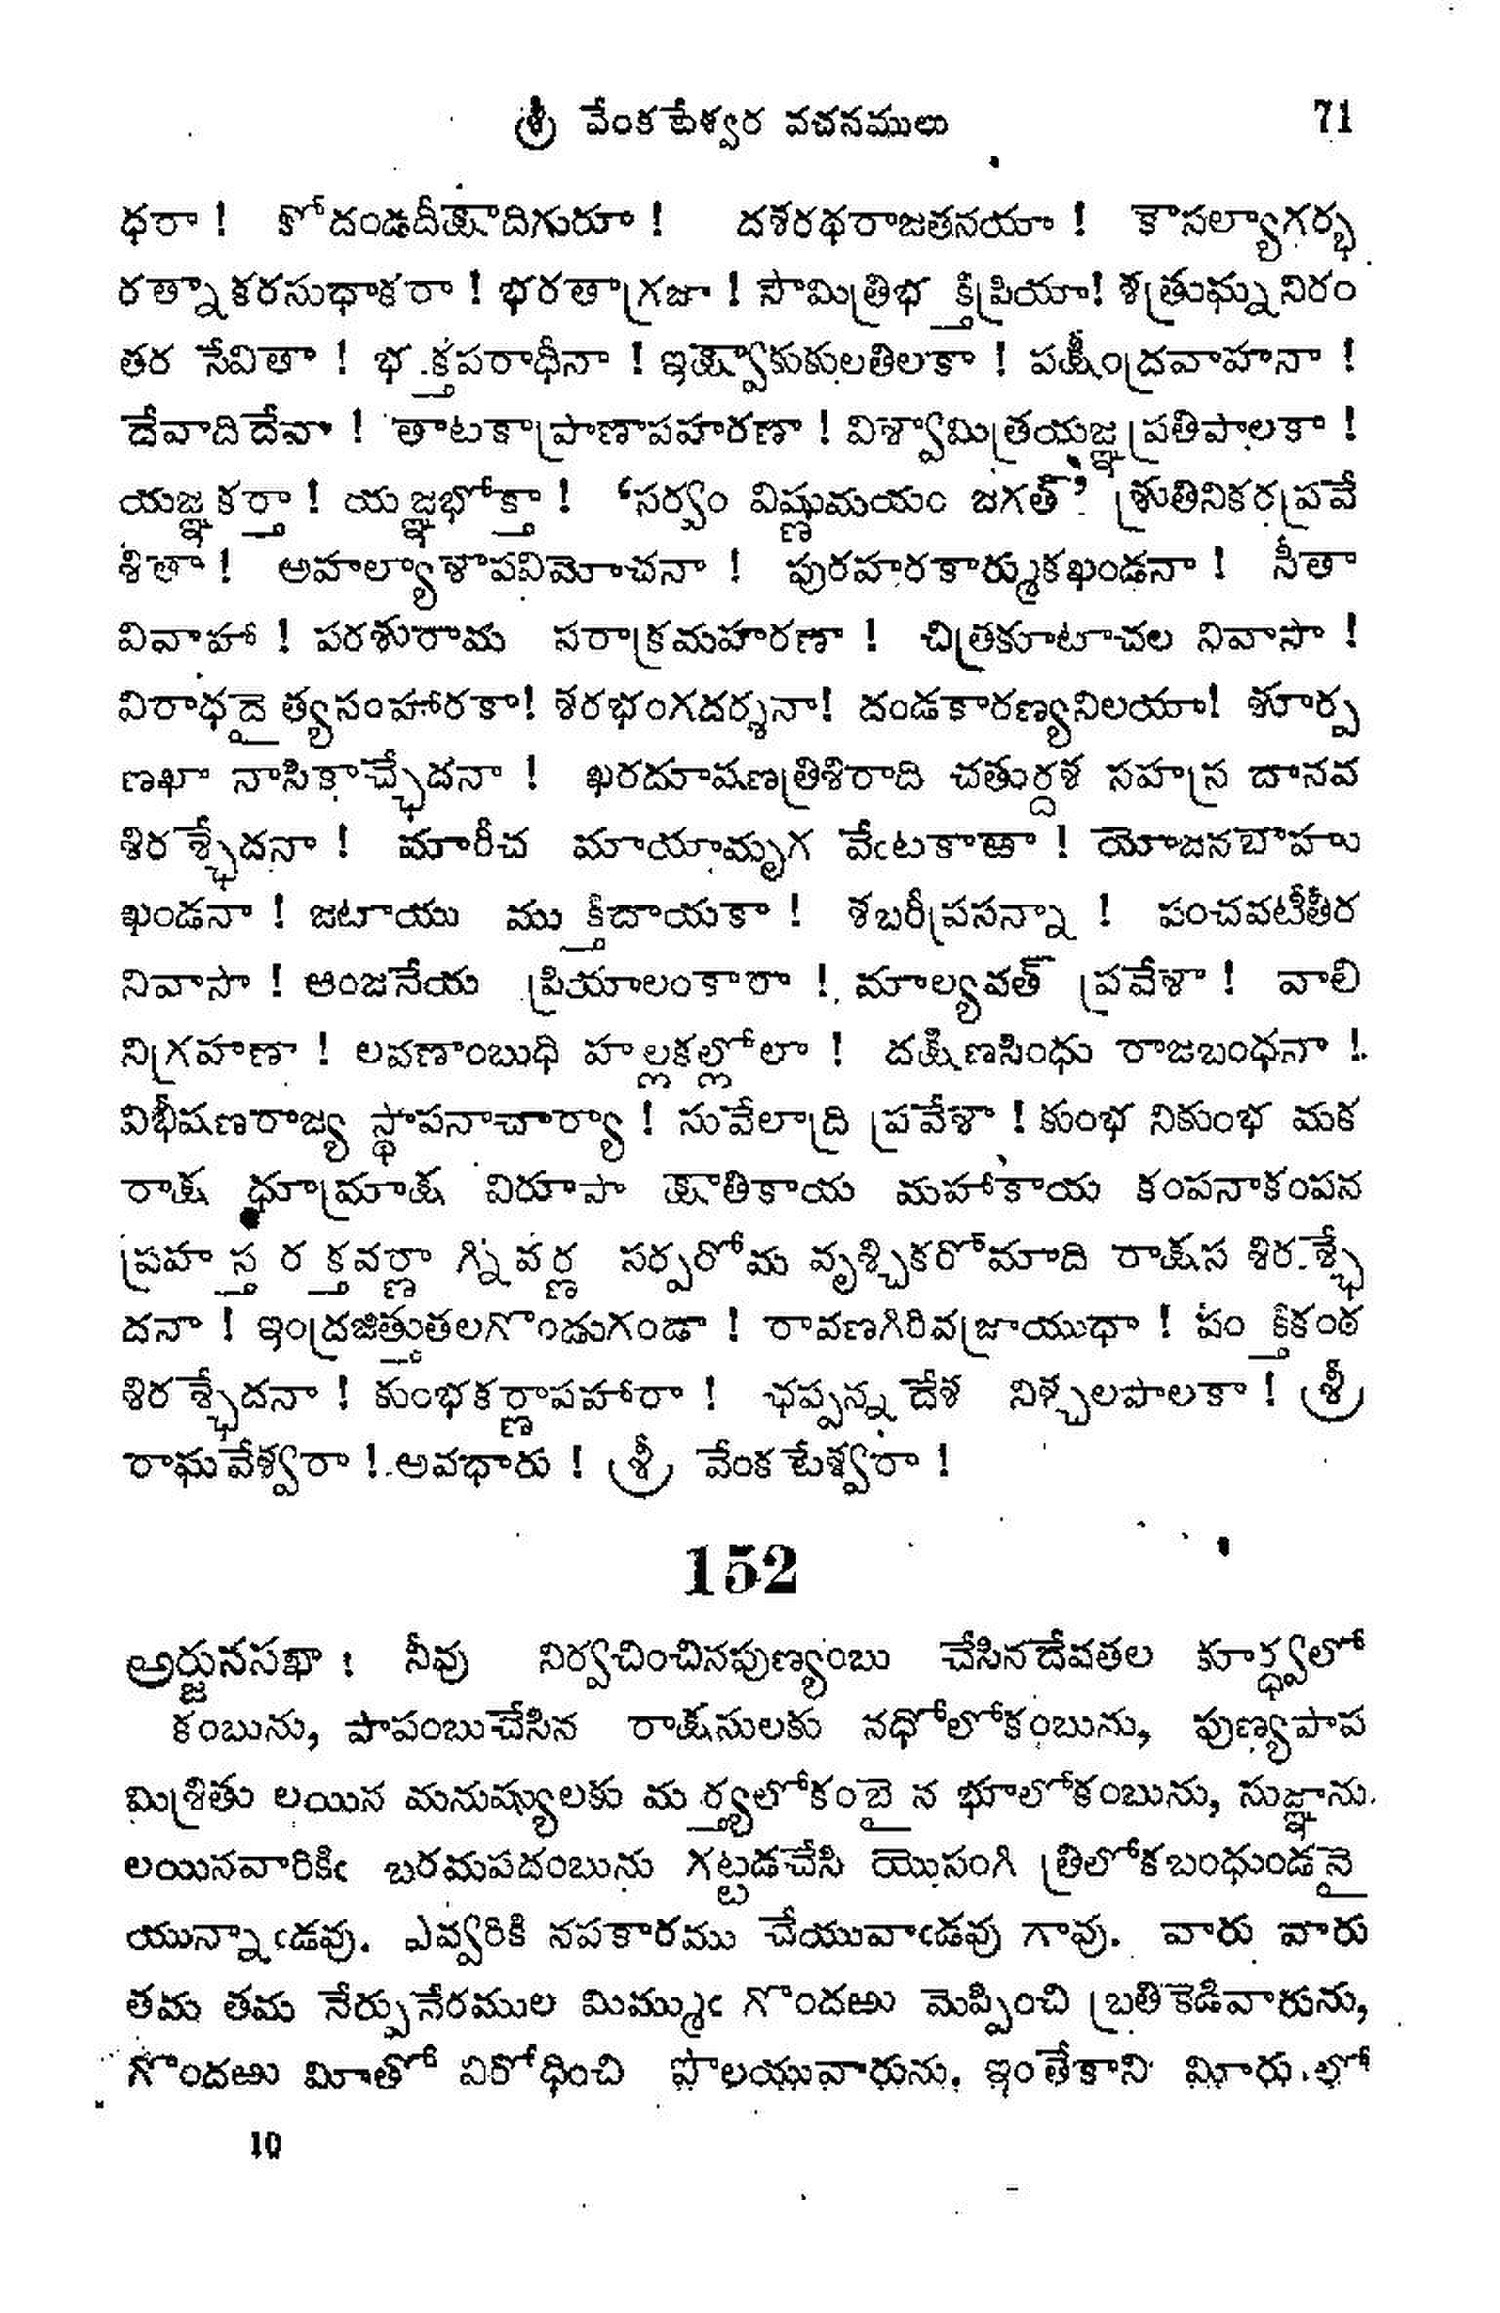ధరా ! కోదండదీక్షాదిగురూ ! దశరథరాజతనయా ! కౌసల్యాగర్భ రత్నాకరసుధాకరా ! భరతాగ్రజా ! సౌమిత్రిభ క్తిప్రియా! శత్రుఘ్న నిరంతర సేవితా ! భక్తపరాధీనా ! ఇక్ష్వాకుకులతిలకా ! పక్షీంద్రవాహనా ! దేవాది దేవా ! 'తాటకాప్రాణాపహరణా ! విశ్వామిత్రయజ్ఞ ప్రతిపాలకా ! యజ్ఞకర్తా ! యజ్ఞభోక్తా ! 'సర్వం విష్ణుమయం జగట్' శ్రుతినికర ప్రవే శీతా ! అహల్యాశాపవిమోచనా ! పురహర కార్ముక ఖండనా ! సీతా వివాహా ! పరశురామ పరాక్రమహరణా ! చిత్రకూటాచల నివాసా ! విరాధ దైత్య సంహారకా! శరభంగదర్శనా! దండకారణ్య నిలయా! శూర్ప ణఖా నాసికాచ్చేదనా ! ఖరదూషణత్రిశిరాది చతుర్దశ సహస్ర దానవ శిరశ్చేదనా ! మారీచ మాయామృగ వేటకాఱా! యోజన బాహు ఖండనా ! జటాయు ముక్తిదాయకా ! శబరీ ప్రసన్నా ! పంచవటితీర నివాసా ! ఆంజనేయ ప్రియాలంకారా ! మాల్యవత్ ప్రవేశా ! వాలీ నిగ్రహణా ! లవణాంబుధి హల్లకల్లోలా ! దక్షిణసింధు రాజబంధనా !. విభీషణ రాజ్య స్థాపనాచార్యా ! సువేలాద్రి ప్రవేశా ! కుంభ నికుంభ మక రాక్ష ధూమ్రాక్ష 'విరూపా క్షాతికాయ మహాకాయ కంపనాకంపన ప్రహస్తరక్తవర్ణా గ్నివర్ణ సర్పరోమ వృశ్చికరోమాది రాక్షస శిర.శ్చే దనా ! ఇంద్రజిత్తుతలగొండుగండా ! రావణగిరి వజ్రాయుధా ! పం క్తికంఠ శిరశ్చేదనా ! కుంభకర్ణాపహారా ! ఛప్పన్న దేశ నిశ్చలపాలకా ! శ్రీ రాఘవేశ్వరా !.అవధారు ! శ్రీ వేంకటేశ్వరా !

152 

 ! నీవు నిర్వచించిన పుణ్యంబు చేసిన దేవతల కూర్ద్వలో కంబును, పాపంబు చేసిన రాక్షసులకు నధోలోకంబును, పుణ్య పాప మిశ్రితు లయిన మనుష్యులకు మర్త్యలోకంబై న భూలోకంబును, సుజ్ఞాను లయినవారికిఁ బరమపదంబును గట్టడచేసి యొసంగి త్రిలోక బంధుండనై యున్నాఁడవు. ఎవ్వరికి నపకారము చేయువాఁడవు గావు. వారు వారు తమ తమ నేర్పు నేరముల మిమ్ముఁ గొందఱు మెప్పించి బ్రతి కెడివారును, " గొందఱు మీతో నిరోధించి పొలయువారును, ఇంతే కాని మీరు లో